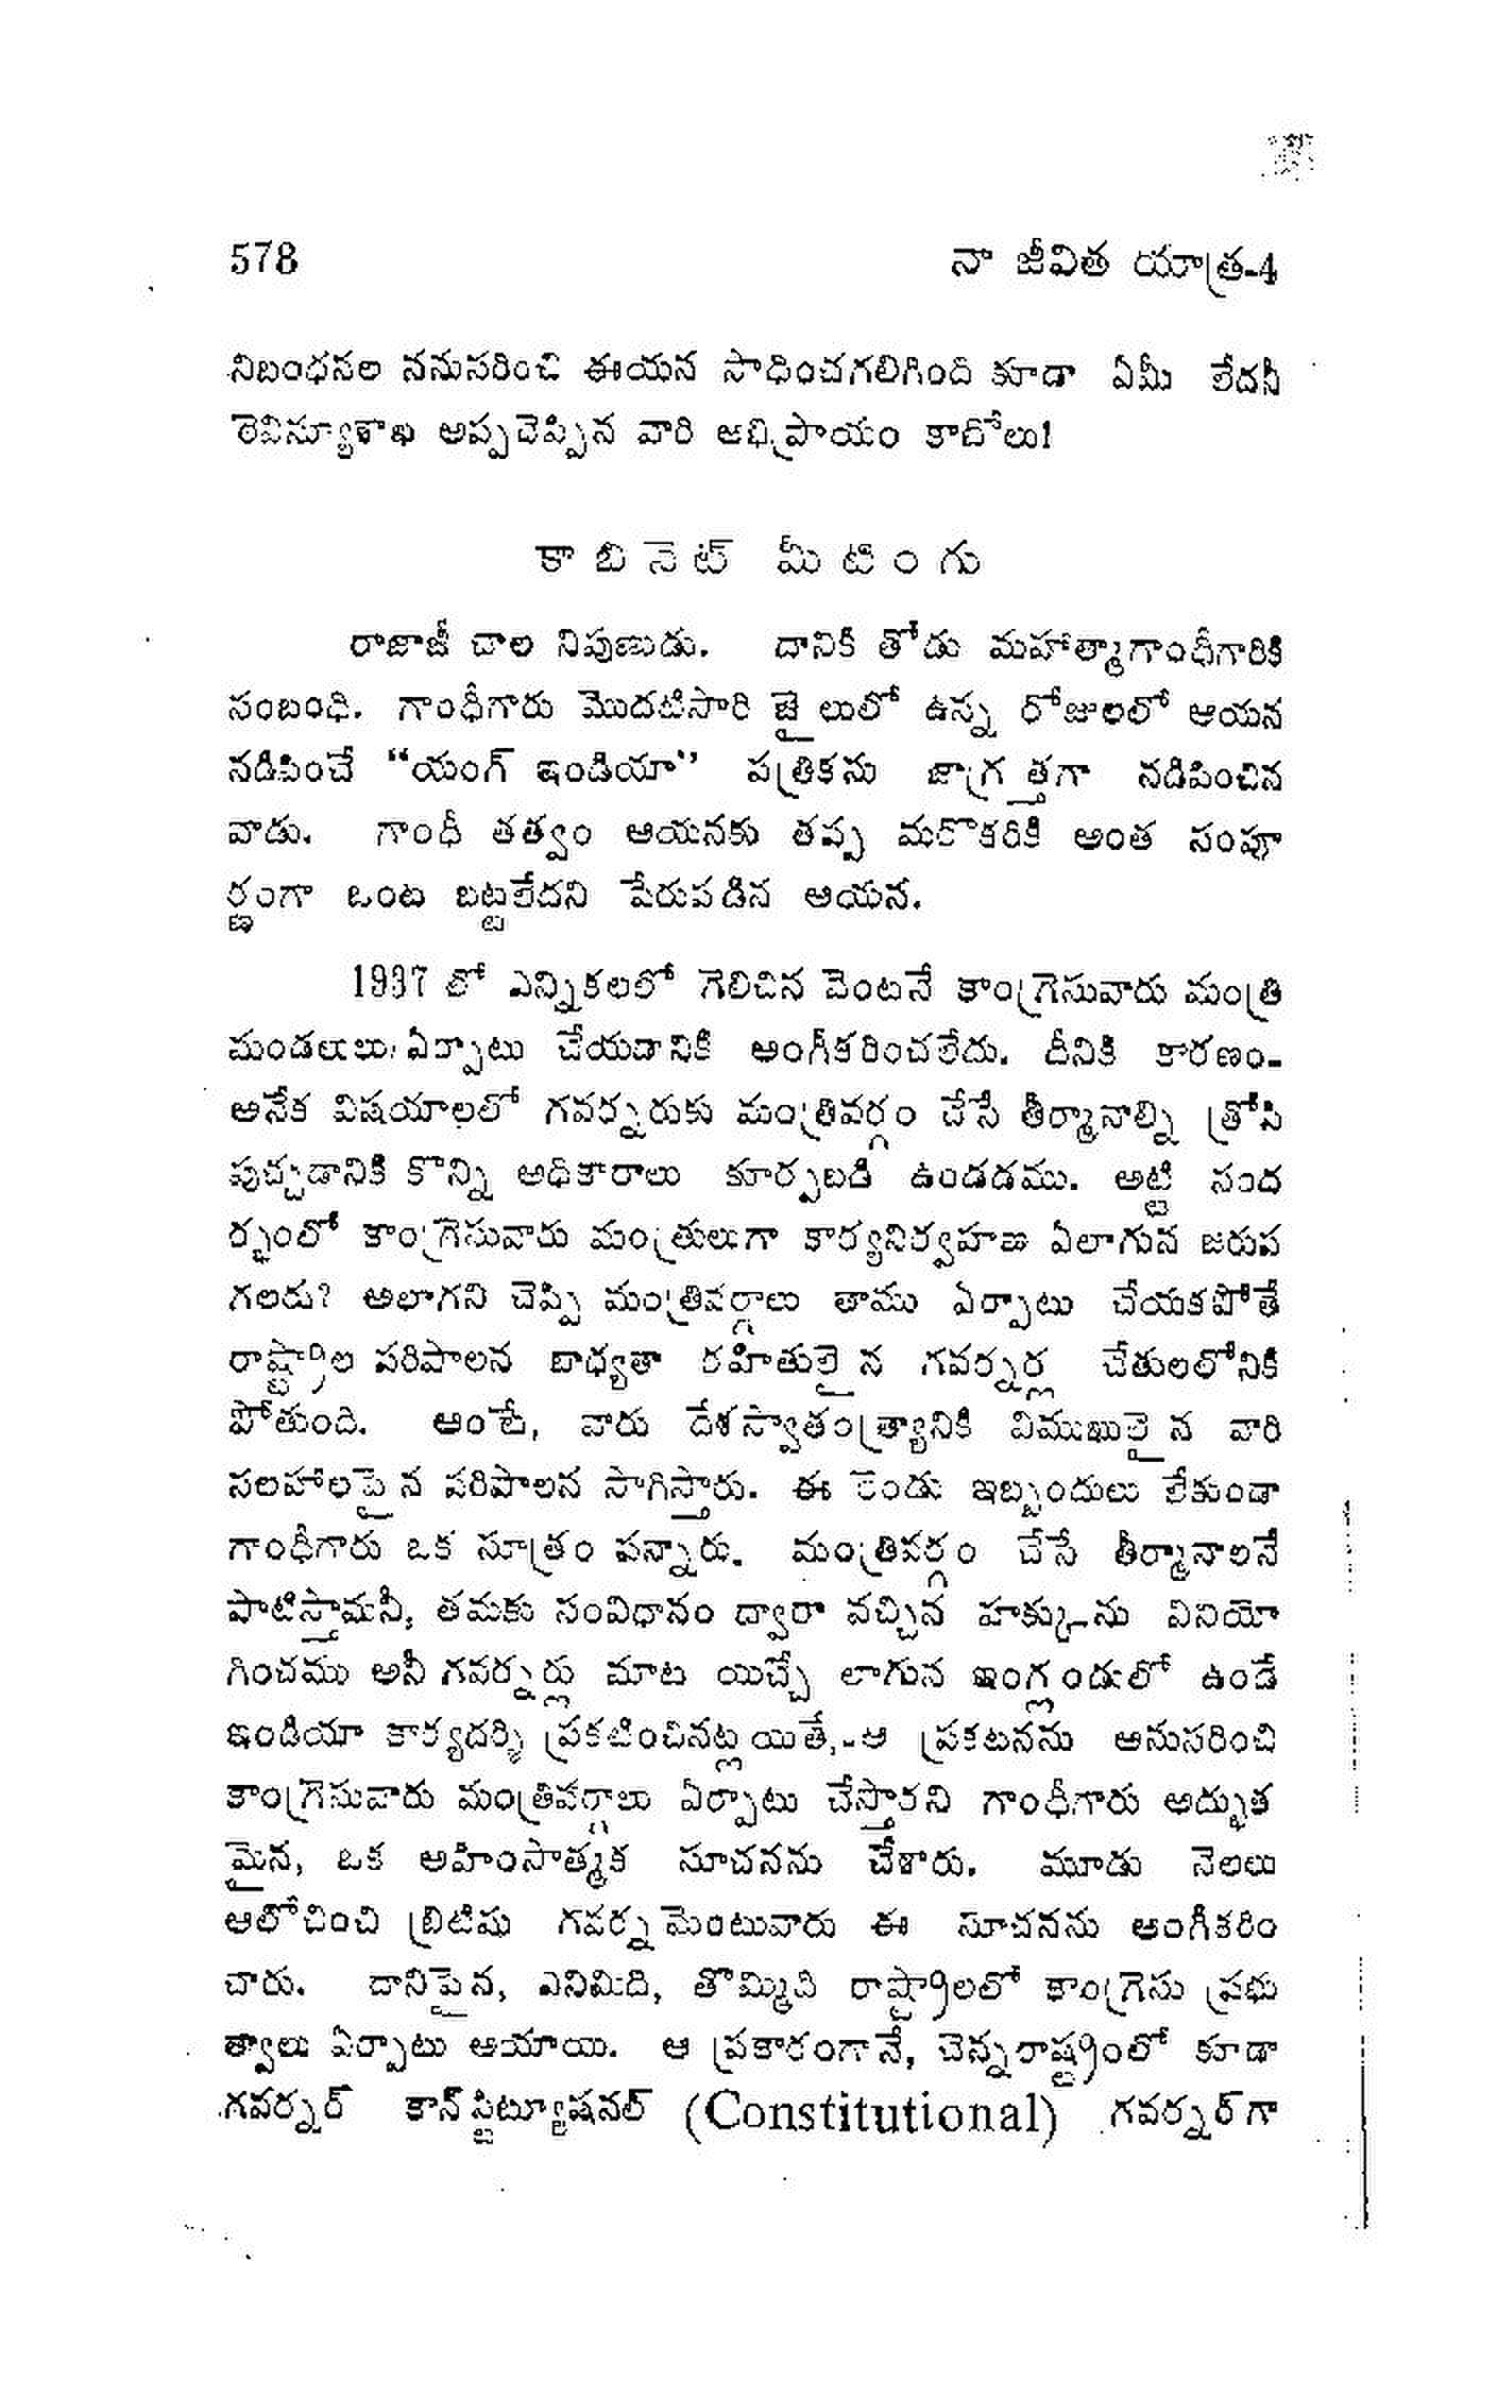నిబంధనల ననుసరించి ఈయన సాధించగలిగింది కూడా ఏమీ లేదనీ రెవిన్యూశాఖ అప్పచెప్పిన వారి అభిప్రాయం కాబోలు!

రాజాజీ చాల నిపుణుడు. దానికి తోడు మహాత్మాగాంధీగారికి సంబంధి. గాంధీగారు మొదటిసారి జైలులో ఉన్న రోజులలో ఆయన నడిపించే "యంగ్ ఇండియా" పత్రికను జాగ్రత్తగా నడిపించిన వాడు. గాంధీ తత్వం ఆయనకు తప్ప మరొకరికి అంత సంపూర్ణంగా ఒంట బట్టలేదని పేరుపడిన ఆయన.

1937 లో ఎన్నికలలో గెలిచిన వెంటనే కాంగ్రెసువారు మంత్రి మండలులు ఏర్పాటు చేయడానికి అంగీకరించలేదు. దీనికి కారణం - అనేక విషయాలలో గవర్నరుకు మంత్రివర్గం చేసే తీర్మానాల్ని త్రోసిపుచ్చడానికి కొన్ని అధికారాలు కూర్పబడి ఉండడము. అట్టి సందర్భంలో కాంగ్రెసు వారు మంత్రులుగా కార్యనిర్వహణ ఏలాగున జరుపగలరు? అలాగని చెప్పి మంత్రివర్గాలు తాము ఏర్పాటు చేయకపోతే రాష్ట్రాల పరిపాలన బాధ్యతా రహితులైన గవర్నర్ల చేతులలోనికి పోతుంది. అంటే, వారు దేశస్వాతంత్ర్యానికి విముఖులైన వారి సలహాలపైన పరిపాలన సాగిస్తారు. ఈ రెండు ఇబ్బందులు లేకుండా గాంధీగారు ఒక సూత్రం పన్నారు. మంత్రివర్గం చేసే తీర్మానాలనే పాటిస్తామనీ, తమకు సంవిధానం ద్వారా వచ్చిన హక్కును వినియోగించము అనీ గవర్నర్లు మాట యిచ్చే లాగున ఇంగ్లండులో ఉండే ఇండియా కార్యదర్శి ప్రకటించినట్లయితే, - ఆ ప్రకటనను అనుసరించి కాంగ్రెసువారు మంత్రివర్గాలు ఏర్పాటు చేస్తారని గాంధీగారు అద్భుతమైన, ఒక అహింసాత్మక సూచనను చేశారు. మూడు నెలలు ఆలోచించి బ్రిటిషు గవర్నమెంటువారు ఈ సూచనను అంగీకరించారు. దానిపైన, ఎనిమిది, తొమ్మిది రాష్ట్రాలలో కాంగ్రెసు ప్రభుత్వాలు ఏర్పాటు అయాయి. అ ప్రకారంగానే, చెన్నరాష్ట్రంలో కూడా గవర్నర్ కాన్‌స్టిట్యూషనల్ (Constitutional) గవర్నర్‌గా